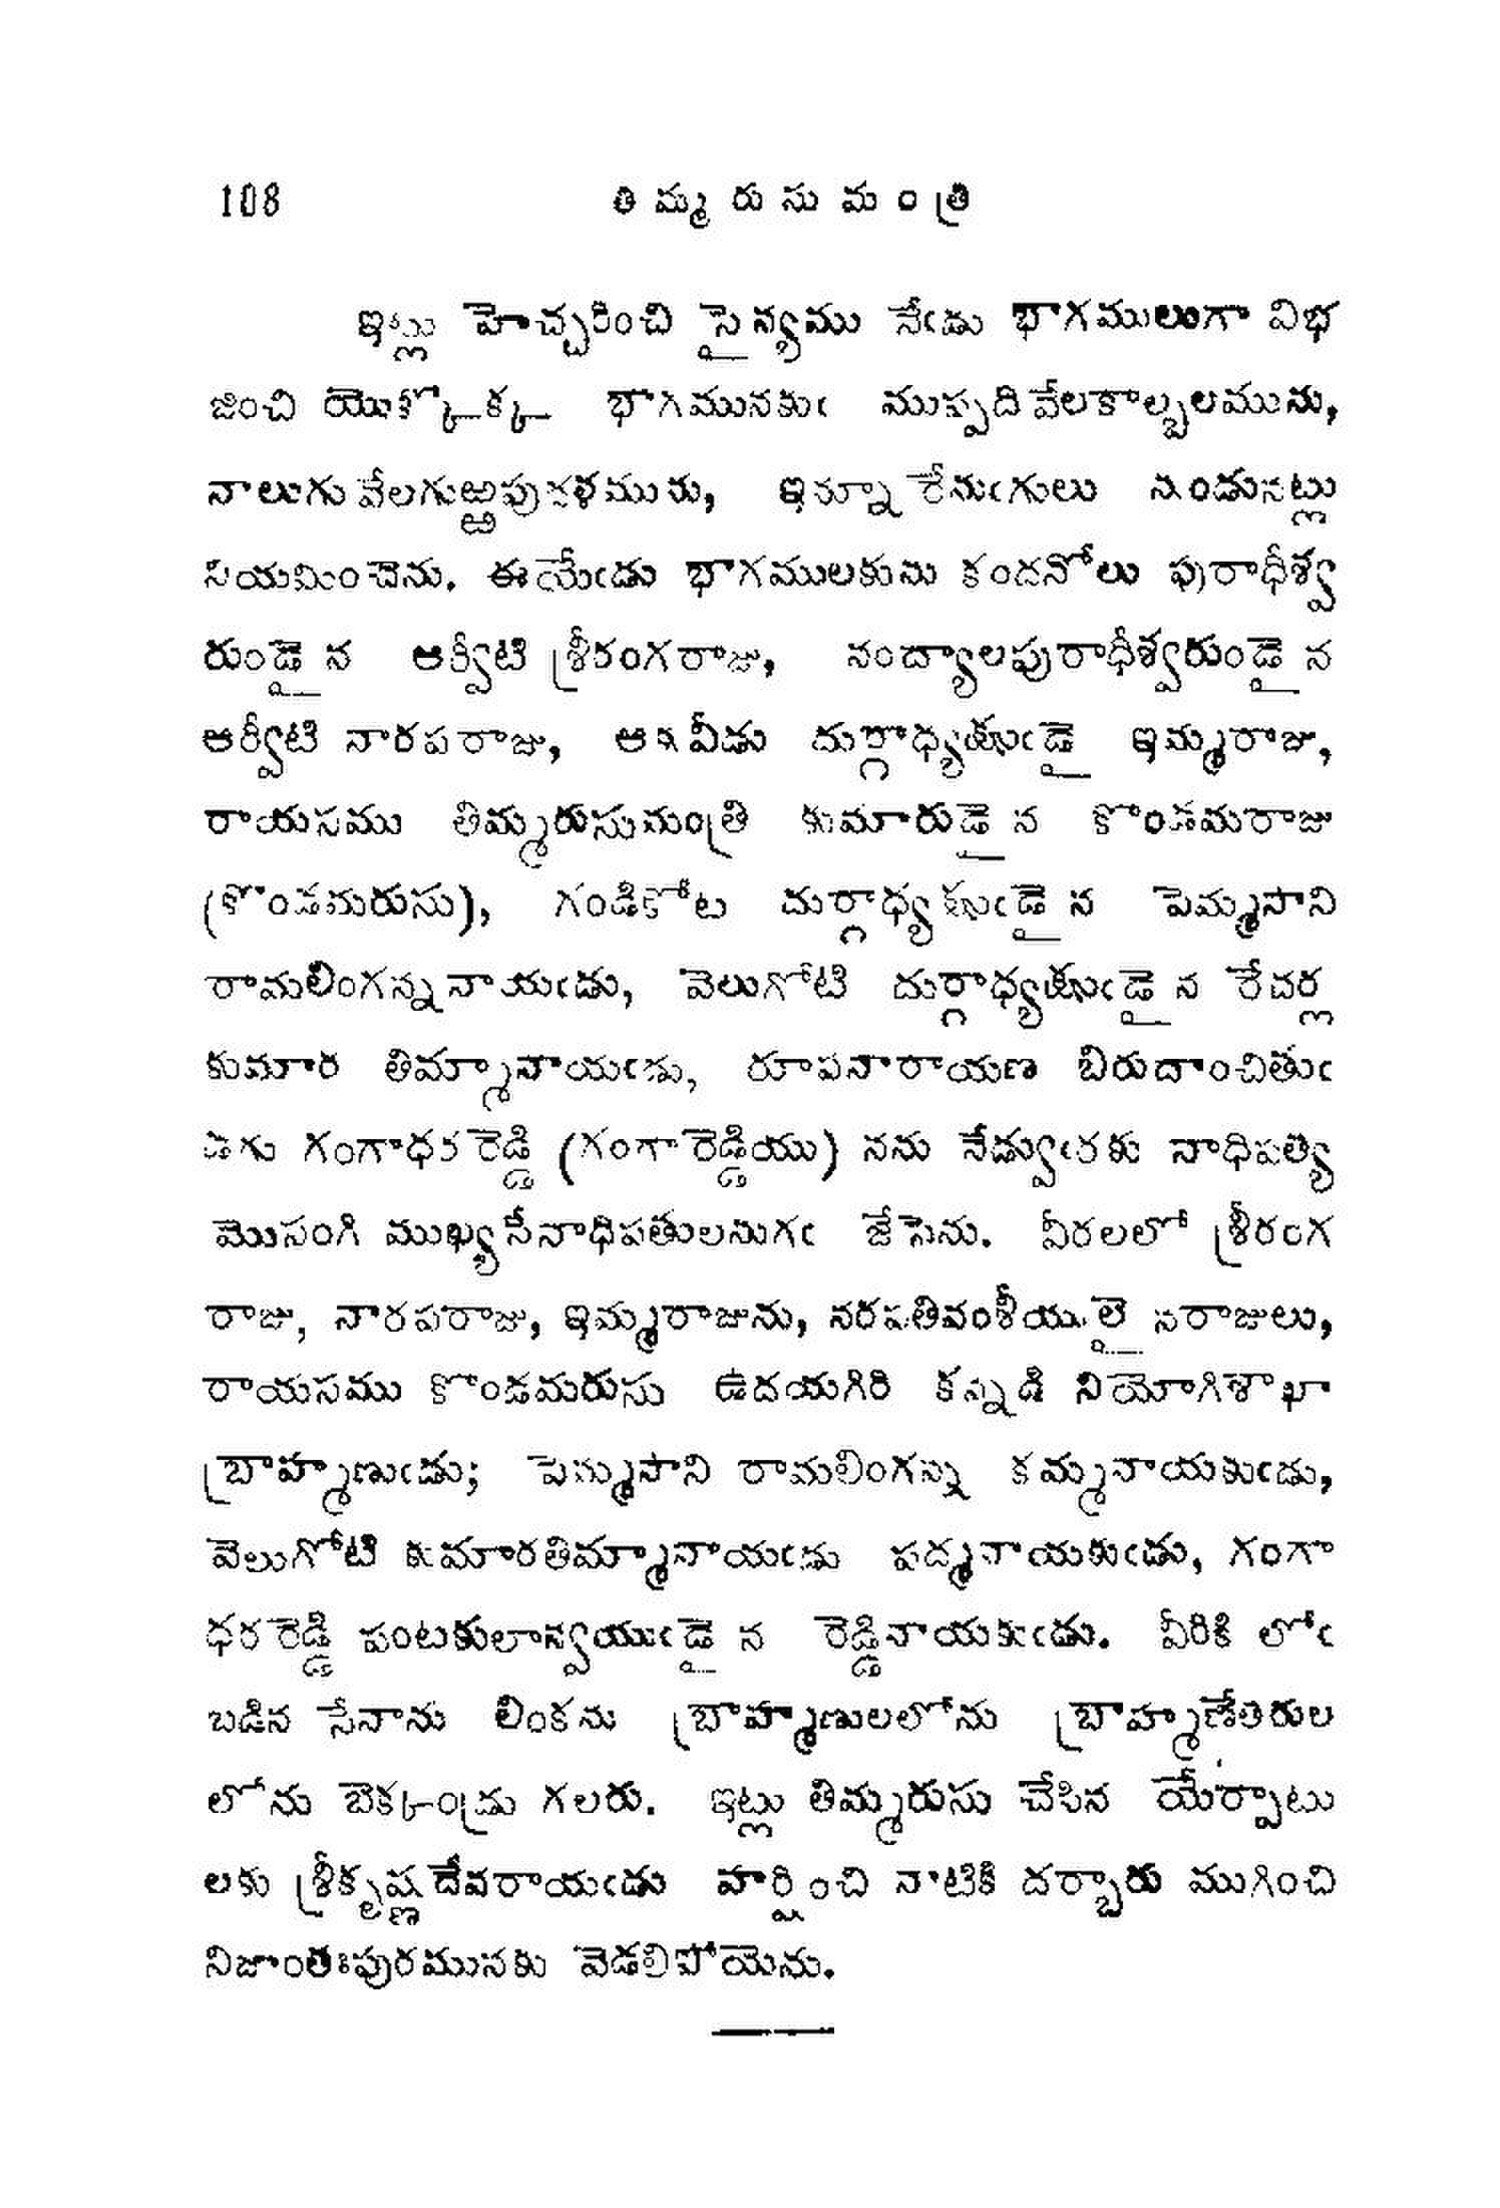ఇట్లు హెచ్చరించి సైన్యము నేఁడు భాగములుగా విభజించి యొక్కొక్క భాగమునకుఁ ముప్పదివేలకాల్బలమును, నాలుగువేలగుఱ్ఱపుదళమును, ఇన్నూరేనుఁగులు నుండునట్లు నియమించెను. ఈయేఁడు భాగములకును కందనోలు పురాధీశ్వరుండైన ఆర్వీటి శ్రీరంగరాజు, నంద్యాలపురాధీశ్వరుండైన ఆర్వీటి నారపరాజు, ఆకువీడు దుర్గాధ్యక్షుఁడై ఇమ్మరాజు, రాయసము తిమ్మరుసుమంత్రి కుమారుడైన కొండమరాజు (కొండమరుసు), గండికోట దుర్గాధ్యక్షుఁడైన పెమ్మసాని రామలింగన్ననాయఁడు, వెలుగోటి దుర్గాధ్యక్షుఁడైన రేచర్ల కుమార తిమ్మానాయఁడు, రూపనారాయణ బిరుదాంచితుఁ డగు గంగాధరరెడ్డి (గంగారెడ్డియు) నను నేడ్వుఁరకు నాధిపత్య మొసంగి ముఖ్యసేనాధిపతులనుగఁ జేసెను. వీరలలో శ్రీరంగరాజు, నారపరాజు, ఇమ్మరాజును, నరపతివంశీయులై నరాజులు, రాయసము కొండమరుసు ఉదయగిరి కన్నడి నియోగిశాఖా బ్రాహ్మణుఁడు; పెమ్మసాని రామలింగన్న కమ్మనాయకుఁడు, వెలుగోటి కుమారతిమ్మానాయఁడు పద్మనాయకుఁడు, గంగాధరరెడ్డి పంటకులాన్వయుఁడైన రెడ్డినాయకుఁడు. వీరికి లోఁబడిన సేనాను లింకను బ్రాహ్మణులలోను బ్రాహ్మణేతరులలోను బెక్కండ్రు గలరు. ఇట్లు తిమ్మరుసు చేసిన యేర్పాటులకు శ్రీకృష్ణదేవరాయఁడు హర్షించి నాటికి దర్బారు ముగించి నిజాంతఃపురమునకు వెడలిపోయెను.

___________